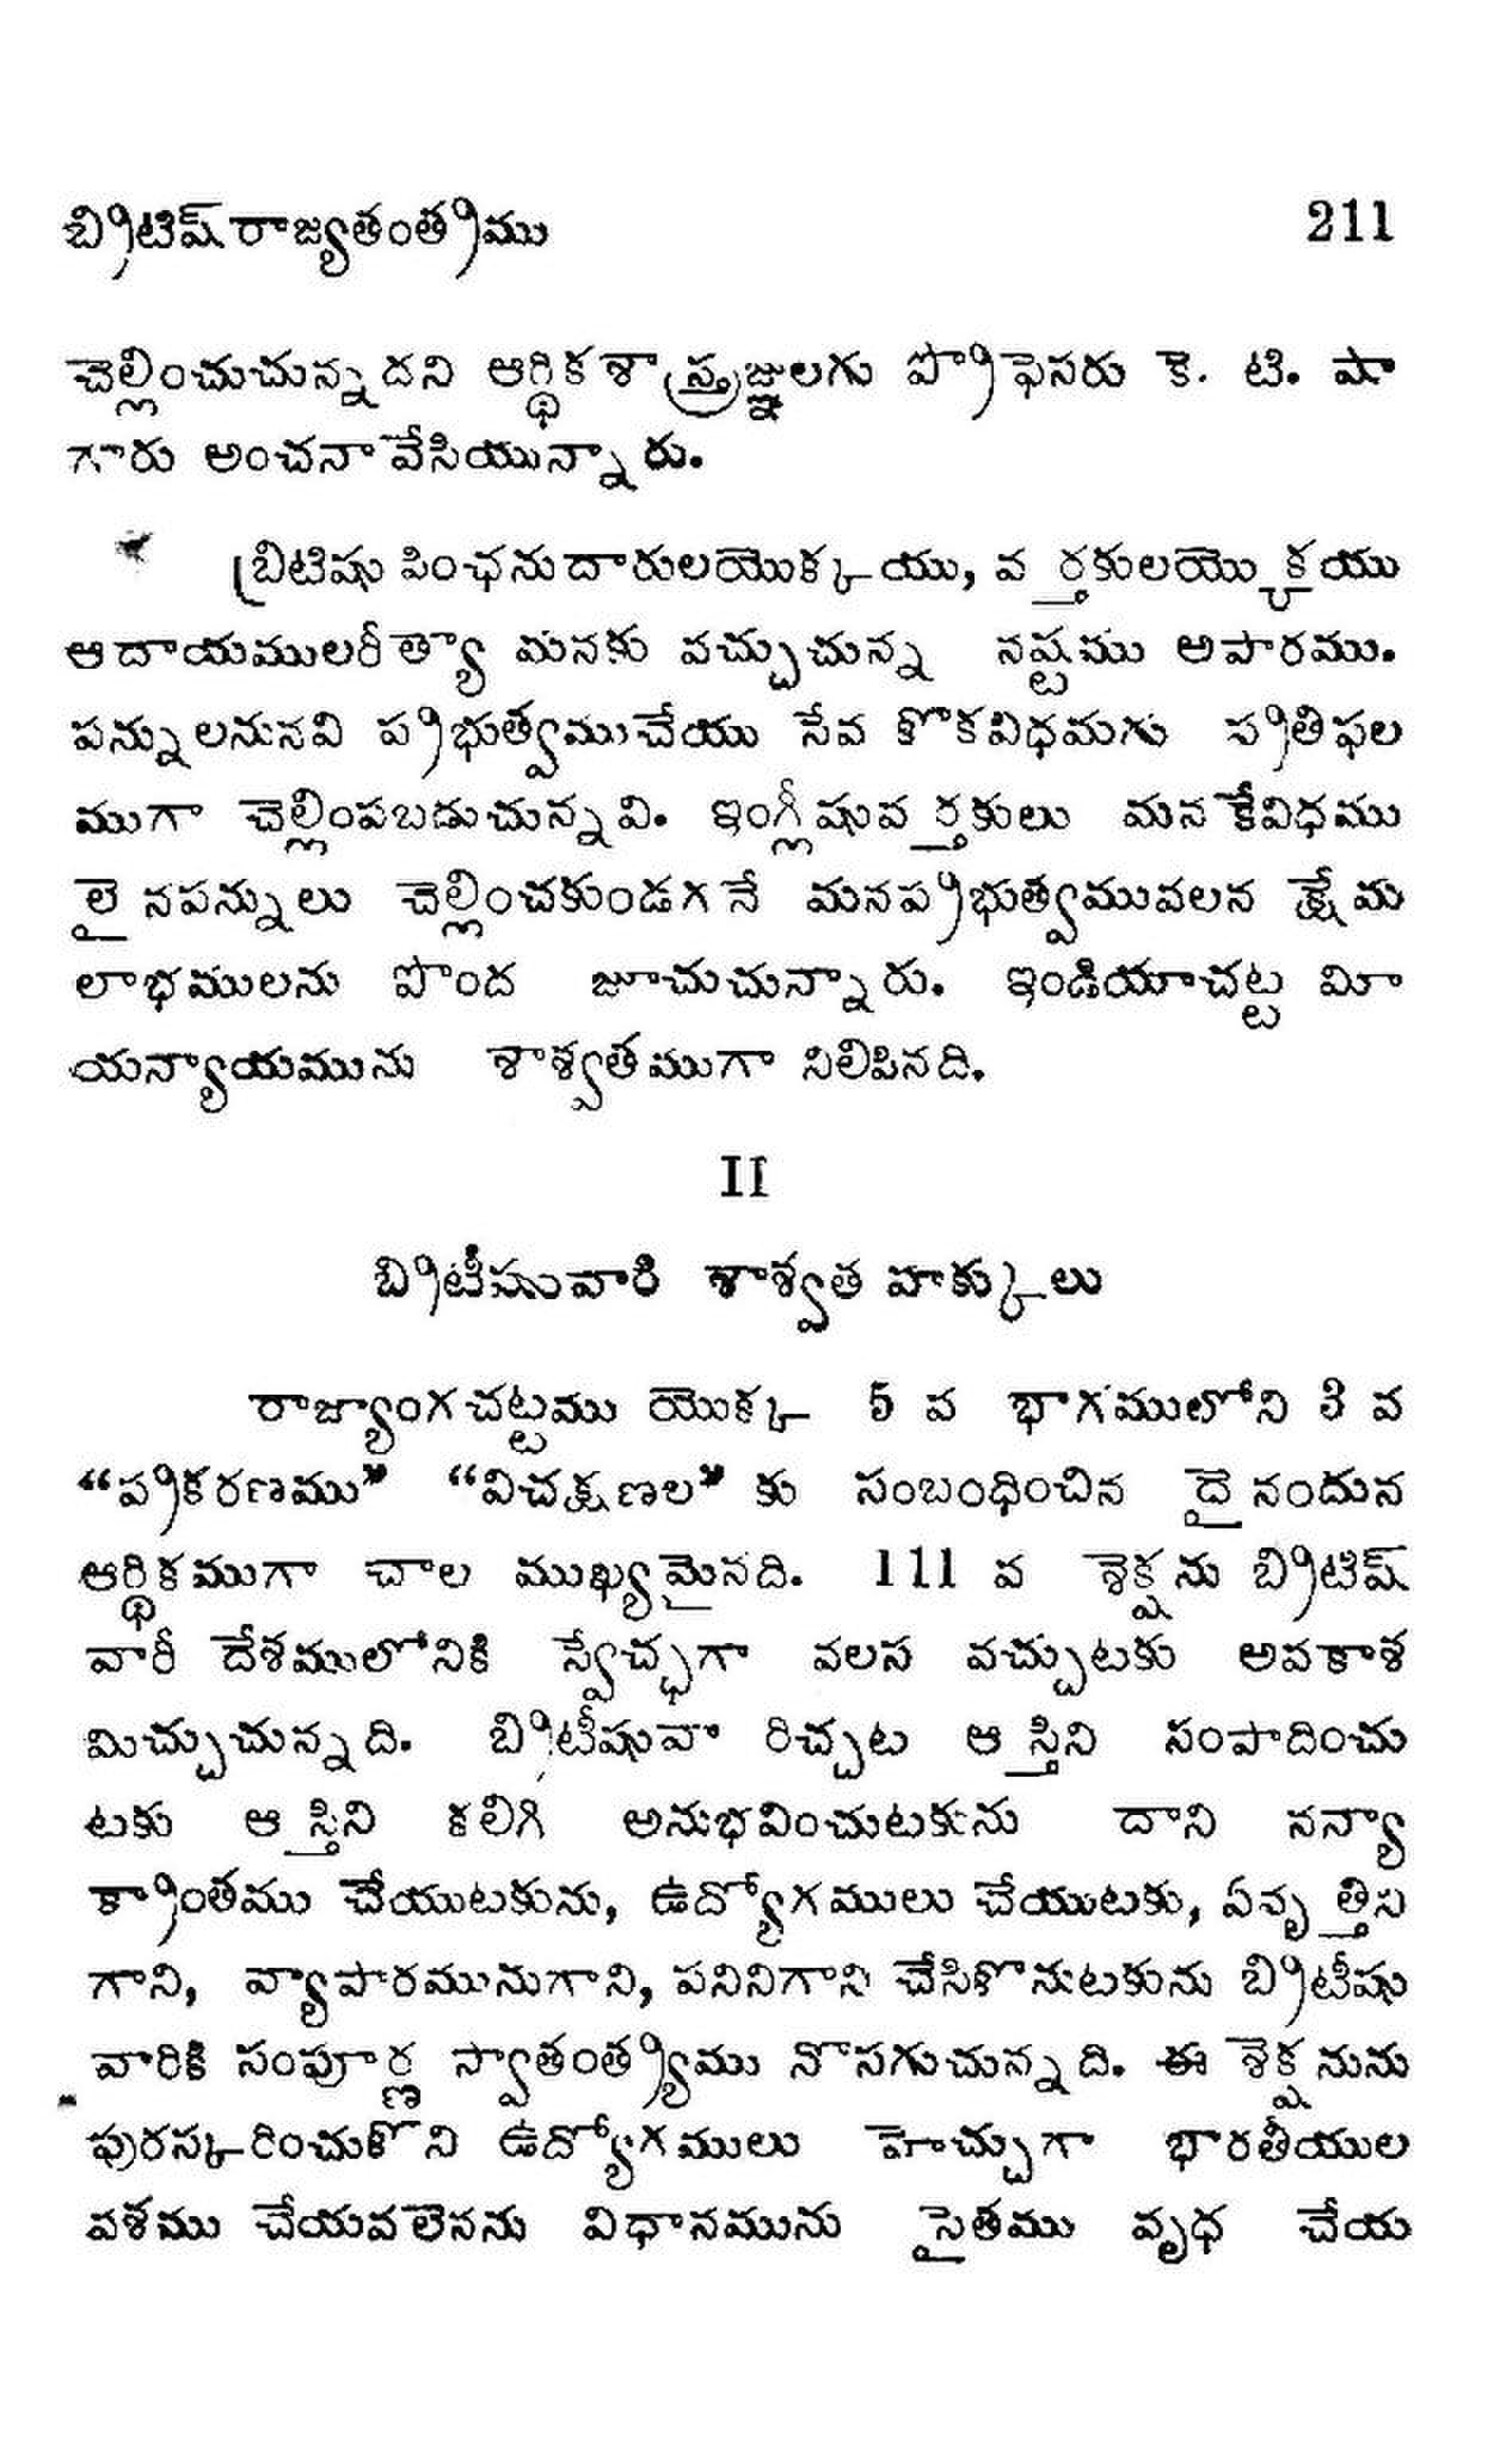చెల్లించుచున్నదని ఆర్థికశాస్త్రజ్ఞులగు ప్రొఫెసరు కె. టి. షా గారు అంచనా వేసియున్నారు.

బ్రిటిషు పింఛనుదారులయొక్కయు, వర్తకులయొక్కయు ఆదాయములరీత్యా మనకు వచ్చుచున్న నష్టము అపారము. పన్నులనునవి ప్రభుత్వముచేయు సేవ కొకవిధమగు ప్రతిఫలముగా చెల్లింపబడుచున్నవి. ఇంగ్లీషువర్తకులు మన కేవిధములైనపన్నులు చెల్లించకుండగనే మనప్రభుత్వమువలన క్షేమ లాభములను పొంద జూచుచున్నారు. ఇండియాచట్ట మీ యన్యాయమును శాశ్వతముగా నిలిపినది.

II 
బ్రిటీషువారి శాశ్వత హక్కులు 

రాజ్యాంగచట్టము యొక్క 5 వ భాగములోని 3వ “ప్రకరణము" "విచక్షణల" కు సంబంధించిన దైనందున ఆర్ధికముగా చాల ముఖ్యమైనది. 111 వ శెక్షను బ్రిటిష్ వారీ దేశములోనికి స్వేచ్చగా వలస వచ్చుటకు అవకాశ మిచ్చుచున్నది. బిటీషువా రిచ్చట ఆస్తిని సంపాదించుటకు ఆస్తిని కలిగి అనుభవించుటకును దాని నన్యాక్రాంతము చేయుటకును, ఉద్యోగములు చేయుటకు, ఏవృత్తినిగాని, వ్యాపారమునుగాని, పనినిగాని చేసికొనుటకును బ్రిటీషువారికి సంపూర్ణ స్వాతంత్ర్యము నొసగుచున్నది. ఈ శెక్షనును పురస్కరించుకొని ఉద్యోగములు హెచ్చుగా భారతీయుల వశము చేయవలెనను విధానమును సైతము వృధ చేయ